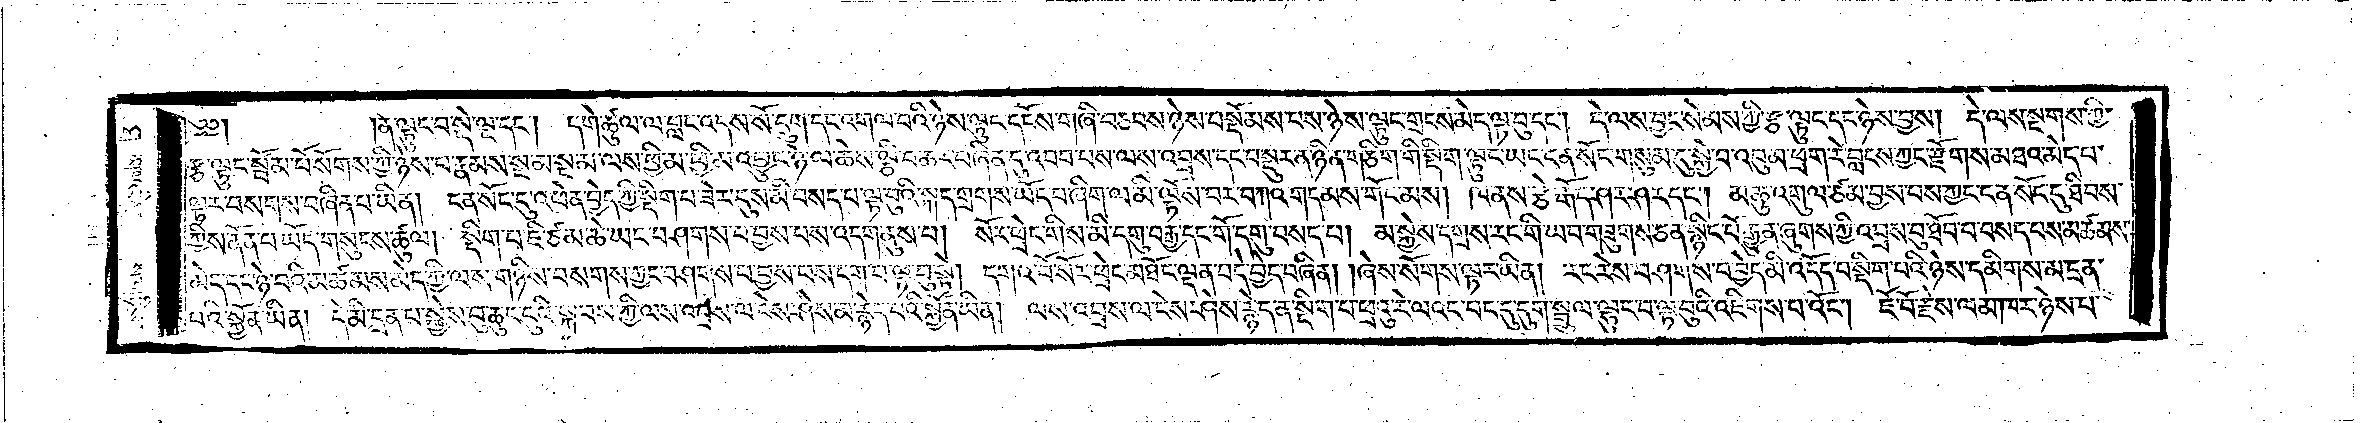༄༅། །ན་ལྟུང་བ་སྡེ་ལྔ་དང་། དགེ་ཚུལ་ལ་བླང་འདས་སོ་དྲུག་དང་འགལ་བའི་ཉེས་ལྟུང་དངོས་གཞི་བཅབས་ཉེས་བསྡོམས་བས་ཉེས་ལྟུང་གྲངས་མེད་ལྟ་བུ་དང་། དེ་ལས་བྱང་སེམས་ཀྱི་རྩ་ལྟུང་དང་ཉེས་བྱས། དེ་ལས་སྔགས་ཀྱི་
རྩ་ལྟུང་སྦོ་པོ་སོགས་ཀྱི་ཉེས་པ་རྣམས་སྔ་མ་སྔ་མ་ལས་ཕྱི་མ་ཕྱི་མ་འབྱུང་ཉེ་ལ་ཆེས་ལྕི་བ་ཆར་བཞིན་དུ་འབབ་པས་ལས་འབྲས་དང་བསྡུར་ན་ཉིན་གཅིག་གི་སྡིག་ལྟུང་ཡང་ངན་སོང་གསུམ་དུ་སྐྱེ་བ་འབུམ་ཕྲག་རེ་བླངས་ཀྱང་རྫོགས་མཐའ་མེད་པ་
ལྟར་བསགས་བཞིན་པ་ཡིན། ངན་སོང་དུ་འཕེན་བྱེད་ཀྱི་སྡིག་པ་ཟེར་དུས་མི་བསད་པ་ལྟ་བུའི་སྐད་གྲགས་ཡོད་བ་ཞིག་ལ་མི་ལྟོས་པར་བཀའ་གདམས་གོང་མས། ཁ་ནས་རྩེ་རྒོད་ཤར་ཤར་དང་། མཆུ་འགུལ་ཙམ་བྱས་པས་ཀྱང་ངན་སོང་དུ་ཐིབས་
ཀྱིས་ནོན་པ་ཡོད་གསུངས་ཚུལ། སྡིག་པ་ཇི་ཙམ་ཆེ་ཡང་བཤགས་པ་བྱས་པས་འདག་ནུས་པ། སོར་ཕྲེང་གིས་མི་དགུ་བརྒྱ་དང་གོ་དགུ་བསད་པ། མ་སྐྱེས་དགྲས་རང་གི་ཡབ་གཟུགས་ཅན་སྙིང་པོ་རྒྱུན་ཞུགས་ཀྱི་འབྲས་བུ་ཐོབ་པ་བསད་པས་མཚམས་
མེད་དང་ཉེ་པའི་མཚམས་མེད་ཀྱི་ལས་གཉིས་བསགས་ཀྱང་བཤགས་པ་བྱས་པས་དག་པ་ལྟ་བུ་སྟེ། དགའ་བོ་སོར་ཕྲེང་མཐོང་ལྡན་བདེ་བྱེད་བཞིན། །ཞེས་སོགས་ལྟར་ཡིན། རང་རེས་བཤགས་པ་བྱེད་མི་འདོད་པ་སྡིག་པའི་ཉེས་དམིགས་མ་དྲན་
བའི་སྐྱོན་ཡིན། དེ་མི་དྲན་པ་སྐྱེས་བུ་ཆུང་ངུའི་སྐབས་ཀྱི་ལས་འབྲས་ལ་ངེས་ཤེས་མ་རྙེད་པའི་སྐྱོན་ཡིན། ལས་འབྲས་ལ་ངེས་ཤེས་རྙེད་ན་སྡིག་པ་ཕྲའུ་རེ་ལའང་བང་དུ་དུག་སྤྲུལ་ལྷུང་བ་ལྟ་བུའི་འཇིགས་པ་འོང་། ཇོ་བོ་རྗེས་ལམ་ཁར་ཉེས་པ་